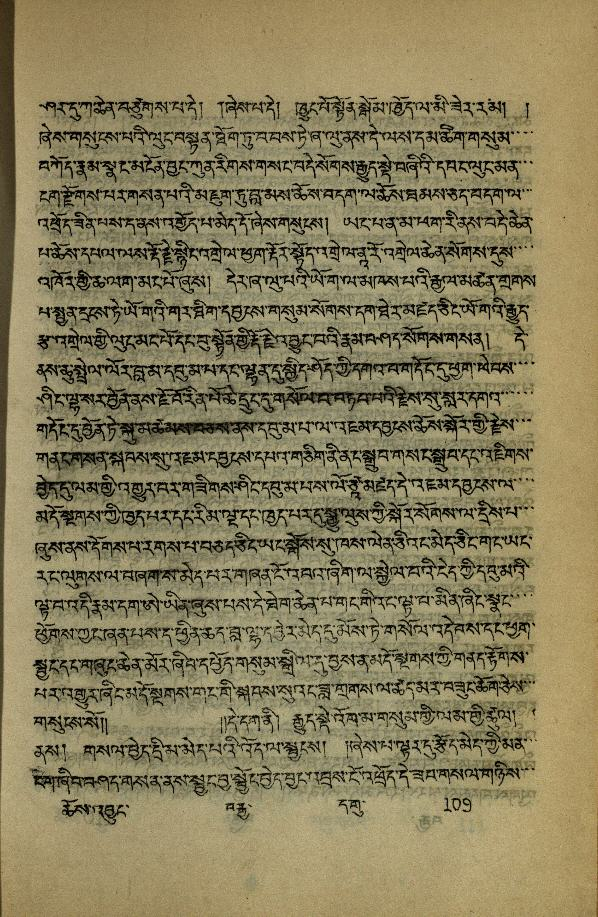ཤར་དུ་ཀ་ཆེན་བཙུགས་པ་དེ། །ཞེས་པ་དེ། ཁྱུང་པོ་སྟོན་སྒོམ་ཁྱོད་ལ་མི་ཟེར་རམ། །
ཞེས་གསུངས་པའི་ལུང་བསྟན་ཐོག་ཏུ་བབས་ཏེ་ཞ་ལུ་ནས་དེ་ལས་དམ་ཚིག་གསུམ་
བཀོད་རྣམ་སྣང་མངོན་བྱང་ཀུན་རིགས་གསང་བདེ་སོགས་རྒྱུད་སྡེ་བཞིའི་དབང་ལུང་མན་
ངག་རྫོགས་པར་གསན་པའི་མཇུག་ཏུ་བླ་མས་ཆོས་བདག་ལ་ཆོས་ཐམས་ཅད་བདག་ལ་
འཕྲོད་ཟིན་པས་ད་ནས་འགྱོད་པ་མེད་དོ་ཞེས་གསུངས། ཡང་པ་ན་མ་ཕག་རི་ནས་བདེ་ཆེན་
པ་ཆོས་དཔལ་ལས་རྡོ་རྗེ་སྙིང་འགྲེལ་ཕྱག་རྡོར་སྟོད་འགྲེལ་ནཱ་རོ་འགྲེལ་ཆེན་སོགས་དུས་
འཁོར་གྱི་ཆ་ལག་མང་པོ་ཞུས། དེར་ཞ་ལུ་པའི་ཡོ་ག་ལ་མཁས་པའི་རྒྱལ་མཚན་གྲགས་
པ་སྤྱན་དྲངས་ཏེ་ཡོ་གའི་གར་ཐིག་དབྱངས་གསུམ་སོགས་དག་ཐེར་མཛད་ཅིང་ཡོ་གའི་རྒྱུད་
རྩ་འགྲེལ་གྱི་ལུང་མང་པོ་དང་བུ་སྟོན་གྱི་རྡོ་རྗེ་འབྱུང་བའི་རྣམ་བཤད་སོགས་གསན། དེ་
ནས་ཆུ་སྤྲེལ་ལོར་བླ་མ་དབུ་མ་པ་དང་ལྷན་དུ་སྐྱིད་ཤོད་ཀྱི་དགའ་བ་གདོང་དུ་ཕྱག་ཕེབས་
ཤིང་ལྷ་སར་བྱོན་ནས་ཇོ་བོ་རིན་པོ་ཆེ་དྲུང་དུ་གསོལ་བ་བཏབ་པའི་རྗེས་སུ་སླར་དགའ་
གདོང་དུ་བྱོན་ཏེ་སྐུ་མཚམས་བཅས་ནས་དབུ་མ་པ་ལ་འཇམ་དབྱངས་ཆོས་སྐོར་གྱི་རྗེས་
གནང་གསན་སྐབས་སུ་འཇམ་དབྱངས་དཔའ་གཅིག་ནི་ནང་སྒྲུབ་གསང་སྒྲུབ་དང་འཇིགས་
བྱེད་དུ་ལམ་གྱི་འགྱུར་བར་གཟིགས་ཤིང་དབུ་མ་པས་ལོ་ཙཱ་མཛད་དེ་འཇམ་དབྱངས་ལ་
མདོ་སྔགས་ཀྱི་ཁྱད་པར་དང་རིམ་ལྔ་དང་ཁྱད་པར་དུ་སྒྱུ་ལུས་ཀྱི་སྐོར་སོགས་ལ་དྲིས་པ་
ཞུས་ནས་དོགས་པ་རགས་པ་བཅད་ཅིང་ཡང་སྒོས་སུ་ཁས་ལེན་ཅིའང་མེད་ཅིང་གང་ཡང་
རང་ལུགས་ལ་བཞག་ས་མེད་པར་གཞན་ངོ་འབའ་ཞིག་ལ་སྐྱེལ་བའི་ངེད་ཀྱི་དབུ་མའི་
ལྟ་བ་འདི་རྣམ་དག་ཨེ་ཡིན་ཞུས་པས་དེ་ཐེག་ཆེན་པ་གང་གིའང་ལྟ་བ་མིན་ཞིང་སྣང་
ཕྱོགས་ཀྱང་ཞན་པས་ད་ཕྱིན་ཆད་བླ་ལྷ་དབྱེར་མེད་དུ་མོས་ཏེ་གསོལ་འདེབས་དང་ཕྱག་
སྦྱང་དང་གཞུང་ཆེན་མོར་ཞིབ་དཔྱོད་གསུམ་སྒྲིལ་དུ་བྱས་ན་མདོ་སྔགས་ཀྱི་གནད་རྟོགས་
པར་འགྱུར་ཞིང་མདོ་སྔགས་གང་གི་སྐབས་སུའང་ཟླ་གྲགས་ལ་ཚད་མར་བཟུང་ཆོག་ཅེས་
གསུངས་སོ།། །།དེ་དག་ནི། རྒྱུད་སྡེ་འོག་མ་གསུམ་གྱི་ལམ་གྱི་ཚུལ། །
ནས། གསལ་བྱེད་དྲི་མ་མེད་པའི་འོད་ལ་སྦྱངས། །ཞེས་པ་ལྟར་དུ་རྩོད་མེད་ཀྱི་མན་
ངག་ཞིབ་བཤད་གསན་ནས་སྦང་བྱ་སྦྱོང་བྱེད་བྱང་འབྲས་ངོ་འཕྲོད་དེ་ཟབ་གསལ་གཉིས་